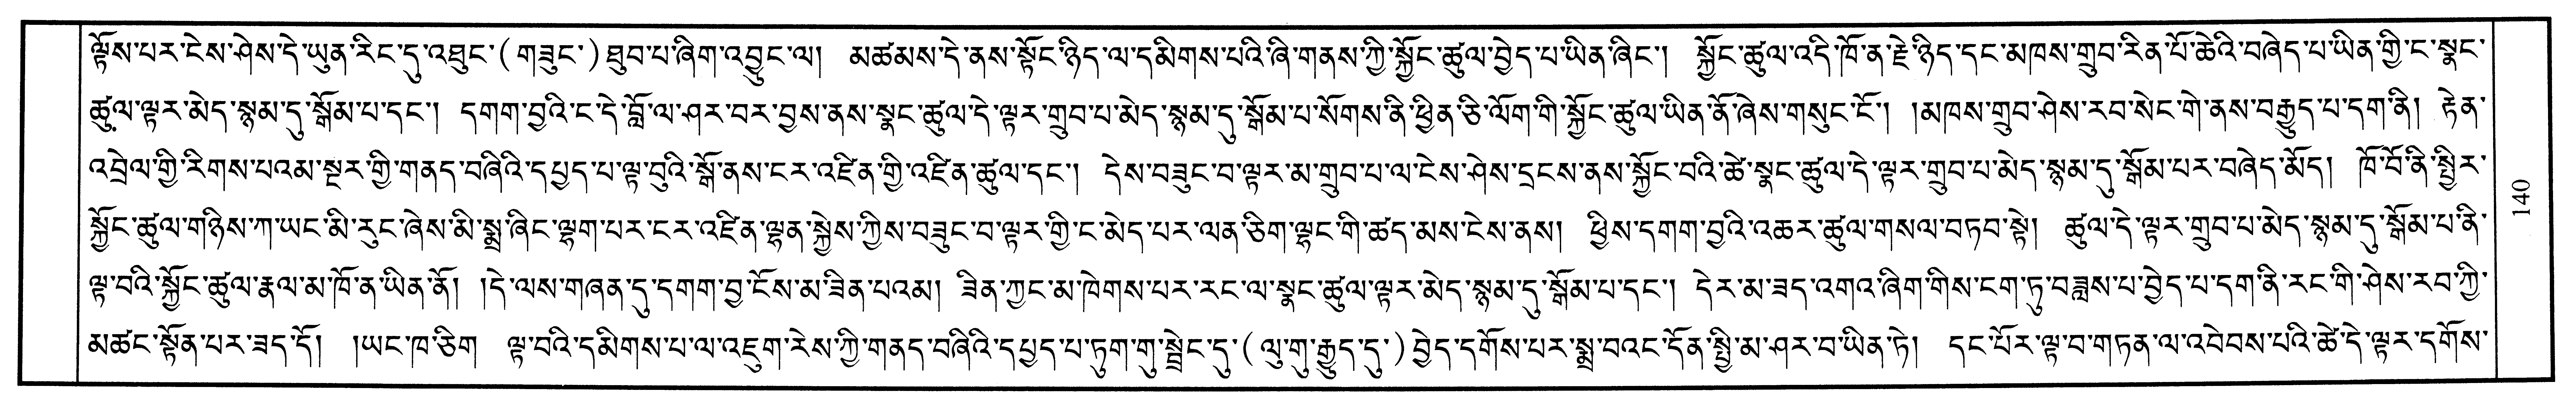ལྟོས་སྤར་ངེས་ཤེས་དེ་ཡུན་རིང་དུ་འཐུང་གཟུང་ཐུབ་པ་ཞིག་འབྱུང་ལ། མཚམས་དེ་ནས་སྟོང་ཉིད་ལ་དམིགས་པའི་ཞི་གནས་ཀྱི་སྐྱོང་ཚུལ་བྱེད་པ་ཡིན་ཞིང་། སྐྱོང་ཚུལ་འདི་ཁོ་ན་རྗེ་ཉིད་དང་མཁས་གྲུབ་རིན་པོ་ཆེའི་བཞེད་པ་ཡིན་གྱི་ང་སྣང་
ཚུལ་ལྟར་མེད་སྙམ་དུ་སྒོམ་པ་དང་། དགག་བྱའི་ང་དེ་བློ་ལ་ཤར་བར་བྱས་ནས་སྣང་ཚུལ་དེ་ལྟར་གྲུབ་པ་མེད་སྙམ་དུ་སྒོམ་པ་སོགས་ནི་ཕྱིན་ཅི་ལོག་གི་སྐྱོང་ཚུལ་ཡིན་ནོ་ཞེས་གསུང་ངོ། །མཁས་གྲུབ་ཤེས་རབ་སེང་གེ་ནས་བརྒྱུད་པ་དག་ནི། རྟེན་
འབྲེལ་གྱི་རིགས་པའམ་སྔར་གྱི་གནད་བཞིའི་དཔྱད་པ་ལྟ་བུའི་སྒོ་ནས་ངར་འཛིན་གྱི་འཛིན་ཚུལ་དང་། དེས་བཟུང་བ་ལྟར་མ་གྲུབ་པ་ལ་ངེས་ཤེས་དྲངས་ནས་སྐྱོང་བའི་ཚེ་སྣང་ཚུལ་དེ་ལྟར་གྲུབ་པ་མེད་སྙམ་དུ་སྒོམ་པར་བཞེད་མོད། ཁོ་བོ་ནི་སྤྱིར་
སྐྱོང་ཚུལ་གཉིས་ཀ་ཡང་མི་རུང་ཞེས་མི་སྨྲ་ཞིང་ལྷག་པར་ངར་འཛིན་ལྷན་སྐྱེས་ཀྱིས་བཟུང་བ་ལྟར་གྱི་ང་མེད་པར་ལན་ཅིག་ལྷང་གི་ཚད་མས་ངེས་ནས། ཕྱིས་དགག་བྱའི་འཆར་ཚུལ་གསལ་བཏབ་སྟེ། ཚུལ་དེ་ལྟར་གྲུབ་པ་མེད་སྙམ་དུ་སྒོམ་པ་ནི་
ལྟ་བའི་སྐྱོང་ཚུལ་རྣལ་མ་ཁོ་ན་ཡིན་ནོ། །དེ་ལས་གཞན་དུ་དགག་བྱ་ངོས་མ་ཟིན་པའམ། ཟིན་ཀྱང་མ་ཁེགས་པར་རང་ལ་སྣང་ཚུལ་ལྟར་མེད་སྙམ་དུ་སྒོམ་པ་དང་། དེར་མ་ཟད་འགའ་ཞིག་གིས་ངག་ཏུ་བཟླས་པ་བྱེད་པ་དག་ནི་རང་གི་ཤེས་རབ་ཀྱི་
མཚང་སྟོན་པར་ཟད་དོ། །ཡང་ཁ་ཅིག །ལྟ་བའི་དམིགས་པ་ལ་འཇུག་རེས་ཀྱི་གནད་བཞིའི་དཔྱད་པ་ཏུག་གུ་སྦྲེང་དུ་ལུ་གུ་རྒྱུད་དུ་བྱེད་དགོས་པར་སྨྲ་བའང་དོན་སྤྱི་མ་ཤར་བ་ཡིན་ཏེ། དང་པོར་ལྟ་བ་གཏན་ལ་འབེབས་པའི་ཚེ་དེ་ལྟར་དགོས་